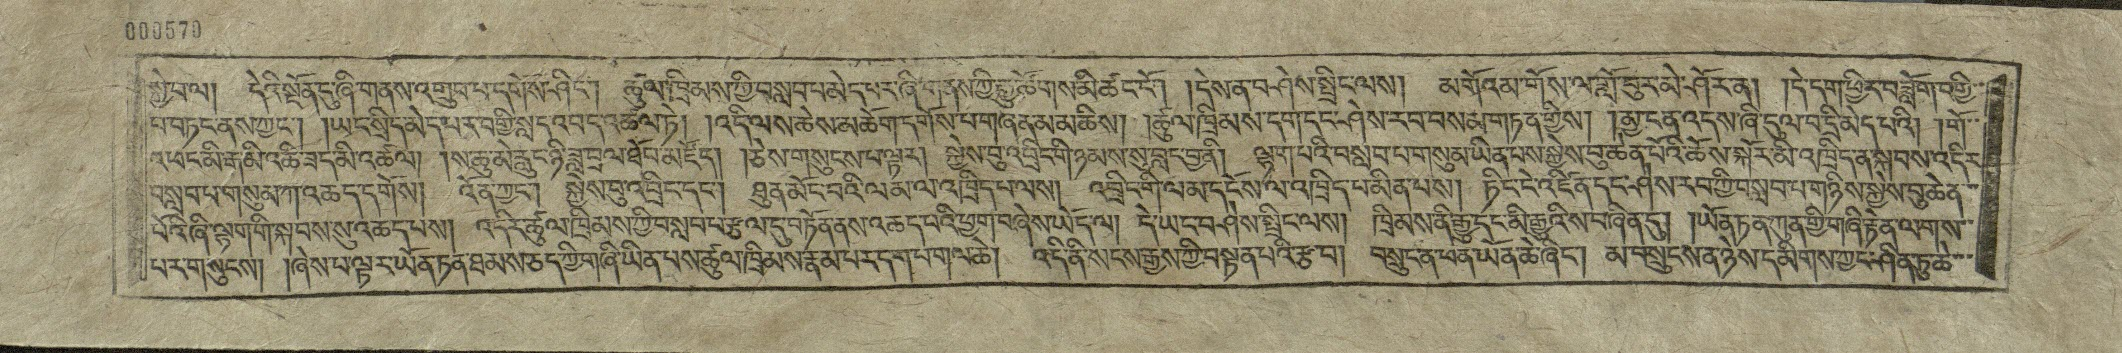སྐྱེ་བ་ལ། དེའི་སྔོན་དུ་ཞི་གནས་འགྲུབ་པ་དགོས་ཤིང་། ཚུལ་ཁྲིམས་ཀྱི་བསླབ་པ་མེད་པར་ཞི་གནས་ཀྱི་རྒྱུ་ཚོགས་མི་ཚང་ངོ། །དེས་ན་བཤེས་སྤྲིང་ལས། མགོའམ་གོས་ལ་གློ་བུར་མེ་ཤོར་ན། །དེ་དག་ཕྱིར་བཟློག་བགྱི་
བ་བཏང་ནས་ཀྱང་། །ཡང་སྲིད་མེད་པར་བགྱི་སླད་འབད་འཚལ་ཏེ། །འདི་ལས་ཆེས་མཆོག་དགོས་པ་གཞན་མ་མཆིས། །ཚུལ་ཁྲིམས་དག་དང་ཤེས་རབ་བསམ་གཏན་གྱིས། །མྱ་ངན་འདས་ཞི་དུལ་བ་དྲི་མེད་པའི། །གོ་
འཕང་མི་རྒ་མི་འཆི་ཟད་མི་འཚལ། །ས་ཆུ་མེ་རླུང་ཉི་ཟླ་བྲལ་ཐོབ་མཛོད། །ཅེས་གསུངས་པ་ལྟར། སྐྱེས་བུ་འབྲིང་གི་ཉམས་སུ་བླང་བྱ་ནི། ལྷག་པའི་བསླབ་པ་གསུམ་ཡིན་པས་སྐྱེས་བུ་ཆེན་པོའི་ཆོས་སྐོར་མི་འཁྲིད་ན་སྐབས་འདིར་
བསླབ་པ་གསུམ་ཀ་འཆད་དགོས། འོན་ཀྱང་། སྐྱེས་བུ་འབྲིང་དང་། ཐུན་མོང་བའི་ལམ་ལ་འཁྲིད་པ་ལས། འབྲིང་གི་ལམ་དངོས་ལ་འཁྲིད་པ་མིན་པས། ཏིང་ངེ་འཛིན་དང་ཤེས་རབ་ཀྱི་བསླབ་པ་གཉིས་སྐྱེས་བུ་ཆེན་
པོའི་ཞི་ལྷག་གི་སྐབས་སུ་འཆད་པས། འདིར་ཚུལ་ཁྲིམས་ཀྱི་བསླབ་པ་རྩལ་དུ་བཏོན་ནས་འཆད་པའི་ཕྱག་བཞེས་ཡོད་ལ། དེ་ཡང་བཤེས་སྤྲིང་ལས། ཁྲིམས་ནི་རྒྱུ་དང་མི་རྒྱུའི་ས་བཞིན་དུ། །ཡོན་ཏན་ཀུན་གྱི་གཞི་རྟེན་ལགས་
པར་གསུངས། །ཞེས་པ་ལྟར་ཡོན་ཏན་ཐམས་ཅད་ཀྱི་གཞི་ཡིན་པས་ཚུལ་ཁྲིམས་རྣམ་པར་དག་པ་གལ་ཆེ། འདི་ནི་སངས་རྒྱས་ཀྱི་བསྟན་པའི་རྩ་བ། བསྲུང་ན་ཕན་ཡོན་ཆེ་ཞིང་། མ་བསྲུངས་ན་ཉེས་དམིགས་ཀྱང་ཤིན་ཏུ་ཆེ་